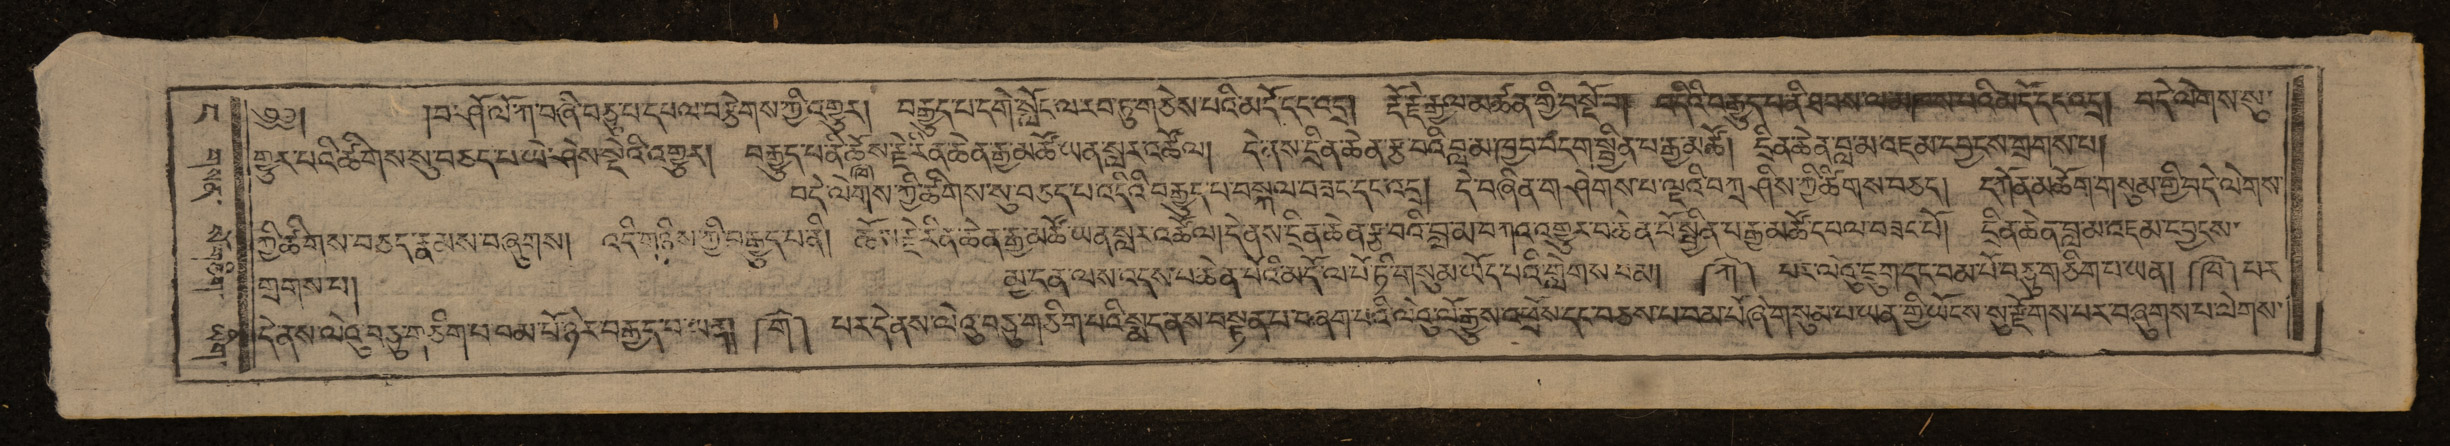༄༅། །བ་ཤོ་ལོ་ཀ་བཞི་བཅུ་པ་དཔལ་བརྩེགས་ཀྱི་འགྱུར། བརྒྱུད་པ་དགེ་སློང་ལ་རབ་ཏུ་གཅེས་པའི་མདོ་དང་འདྲ། རྡོ་རྗེ་རྒྱལ་མཚན་གྱི་བསོད་བ། འདིའི་བརྒྱུད་པ་ནི་ཐབས་ལ་མཁས་པའི་མདོ་དང་འདྲ། བདེ་ལེགས་སུ་
གྱུར་པའི་ཚིགས་སུ་བཅད་པ་ཡེ་ཤེས་སྡེའི་འགྱུར། བརྒྱུད་པ་ནི་ཆོས་རྗེ་རིན་ཆེན་རྒྱ་མཚོ་ཡན་སླར་འཚོལ། དེ་ནས་དྲིན་ཆེན་རྩ་བའི་བླ་མ་ཁྱབ་བདག་སྦྱིན་པ་རྒྱ་མཚོ། དྲིན་ཆེན་བླ་མ་འཇམ་དབྱངས་གྲགས་པ།
བདེ་ལེགས་ཀྱི་ཚིགས་སུ་བཅད་པ་འདིའི་བརྒྱུད་བ་བསྐལ་བཟང་དང་འདྲ། དེ་བཞིན་གཤེགས་པ་ལྔའི་བཀྲ་ཤིས་ཀྱི་ཚིགས་བཅད། དཀོན་མཆོག་གསུམ་གྱི་བདེ་ལེགས་
ཀྱི་ཚིགས་བཅད་རྣམས་བཞུགས། འདི་གཉིས་ཀྱི་བརྒྱུད་པ་ནི། ཆོས་རྗེ་རིན་ཆེན་རྒྱ་མཚོ་ཡན་སླར་འཚོལ། དེ་ནས་དྲིན་ཆེན་རྩ་བའི་བླ་མ་བཀའ་འགྱུར་བ་ཆེན་པོ་སྦྱིན་པ་རྒྱ་མཚོ་དཔལ་བཟང་པོ། དྲིན་ཆེན་བླ་མ་འཇམ་དབྱངས་
གྲགས་པ། མྱ་ངན་ལས་འདས་པ་ཆེན་པོའི་མདོ་ལ་པོ་ཏི་གསུམ་ཡོད་བའི་གླེགས་བམ། {ཀ}་པར་ལེའུ་དྲུག་དང་བམ་པོ་བཅུ་གཅིག་པ་ཡན། {ཁ}་པར་
དེ་ནས་ལེའུ་བཅུ་གཅིག་པ་བམ་པོ་ཉེར་བརྒྱད་པ་ཡན། {ག}་པར་དེ་ནས་ལེའུ་བཅུ་གཅིག་པའི་སྨད་ནས་བསྟན་པ་བཞག་པའི་ལེའུ་ལོ་རྒྱུས་འཕྲོས་དང་བཅས་པ་བམ་པོ་ཞེ་གསུམ་པ་ཡན་གྱི་ཡོངས་སུ་རྫོགས་པར་བཞུགས་པ་ལེགས་